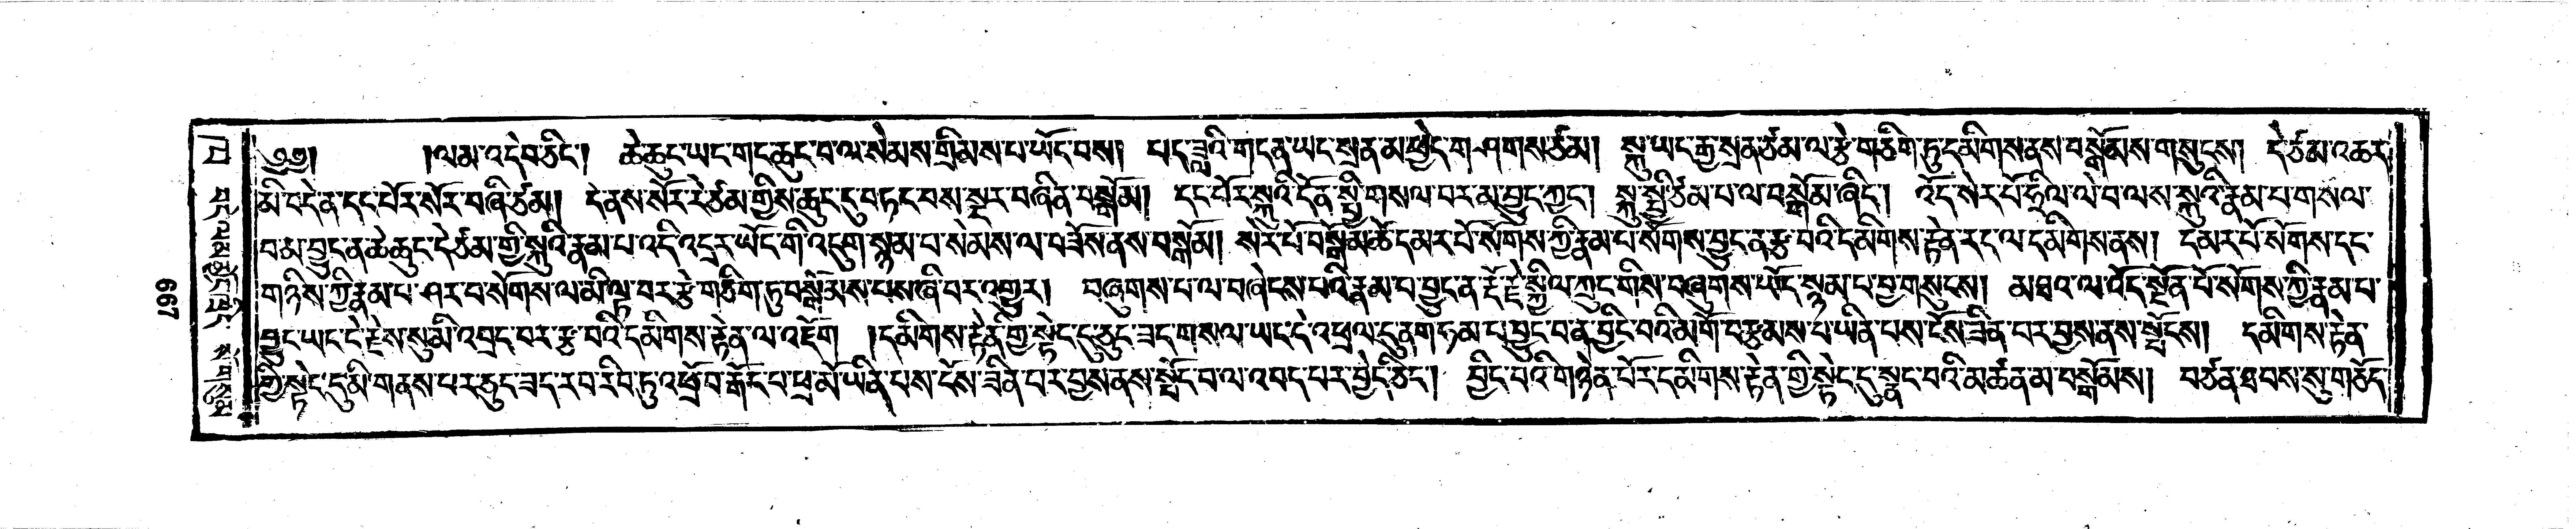༄༅། །ལམ་འདེབ་ཅིང་། ཆེ་ཆུང་ཡང་གང་ཆུང་བ་ལ་སེམས་གྲིམས་པ་ཡོད་བས། པད་ཟླའི་གདན་ཡང་སྲན་མ་ཕྱེད་གཤགས་ཙམ། སྐུ་ཡང་རྒྱ་སྲན་ཙམ་ལ་རྩེ་གཅིག་ཏུ་དམིགས་ནས་བསྒོམས་གསུངས། དེ་ཙམ་འཆར་
མི་བདེན་དང་པོར་སོར་བཞི་ཙམ། དེ་ནས་སོར་རེ་ཙམ་གྱིས་ཆུང་དུ་བཏང་བས་སྔར་བཞིན་བསྒོམ། དང་བོར་སྐུའི་དོན་སྤྱི་གསལ་བར་མ་བྱུང་ཀྱང་། སྐུ་སྤྱི་ཙམ་པ་ལ་བསྒོམ་ཞིང་། འོད་སེར་པོ་ཧྲིལ་ལེ་བ་ལས་སྐུའི་རྣམ་པ་གསལ་
བ་མ་བྱུང་ན་ཆེ་ཆུང་དེ་ཙམ་གྱི་སྐུའི་རྣམ་པ་འདི་འདྲར་ཡོང་གི་འདུག་སྙམ་པ་སེམས་ལ་བཟོས་ནས་བསྒོམ། སེར་པོ་བསྒོམ་ཚེ་དམར་པོ་སོགས་ཀྱི་རྣམ་པ་སོགས་བྱུང་ན་རྩ་བའི་དམིགས་རྟེན་རང་ལ་དམིགས་ནས། དམར་པོ་སོགས་དང་
གཉིས་ཀྱི་རྣམ་པ་ཤར་བ་སོགས་ལ་མི་ལྟ་བར་རྩེ་གཅིག་ཏུ་བསྒོམས་པས་ཞི་བར་འགྱུར། བཞུགས་པ་ལ་བཞེངས་པའི་རྣམ་པ་བྱུང་ན་རྡོ་རྗེ་སྐྱིལ་ཀྲུང་གིས་བཞུགས་ཡོད་སྙམ་པ་བྱ་གསུངས། མཐའ་ལ་འོད་སྔོན་པོ་སོགས་ཀྱི་རྣམ་པ་
བྱུང་ཡང་དེ་རྗེས་སུ་མི་འབྲང་བར་རྩ་བའི་དམིགས་རྟེན་ལ་འཇོག །དམིགས་རྟེན་གྱི་སྟེང་དུ་ཅུང་ཟད་གསལ་ཡང་དེ་འཕྲལ་དུ་ནག་ཧམ་པ་བྱུང་བ་ན་བྱིང་བའི་མགོ་བརྩམས་པ་ཡིན་པས་ངོས་ཟིན་པར་བྱས་ནས་སྤོངས། དམིགས་རྟེན་
གྱི་སྟེང་དུ་མི་གནས་པར་ཅུང་ཟད་རབ་རིབ་ཏུ་འཕྲོ་བ་རྒོད་པ་ཕྲ་མོ་ཡིན་པས་ངོས་ཟིན་པར་བྱས་ནས་སྤོང་བ་ལ་འབད་པར་བྱེད་ཅིང་། བྱིང་བའི་གཉེན་པོར་དམིགས་རྟེན་གྱི་སྟེང་དུ་སྣང་བའི་མཚན་མ་བསྒོམས། བཙན་ཐབས་སུ་གཅོད་